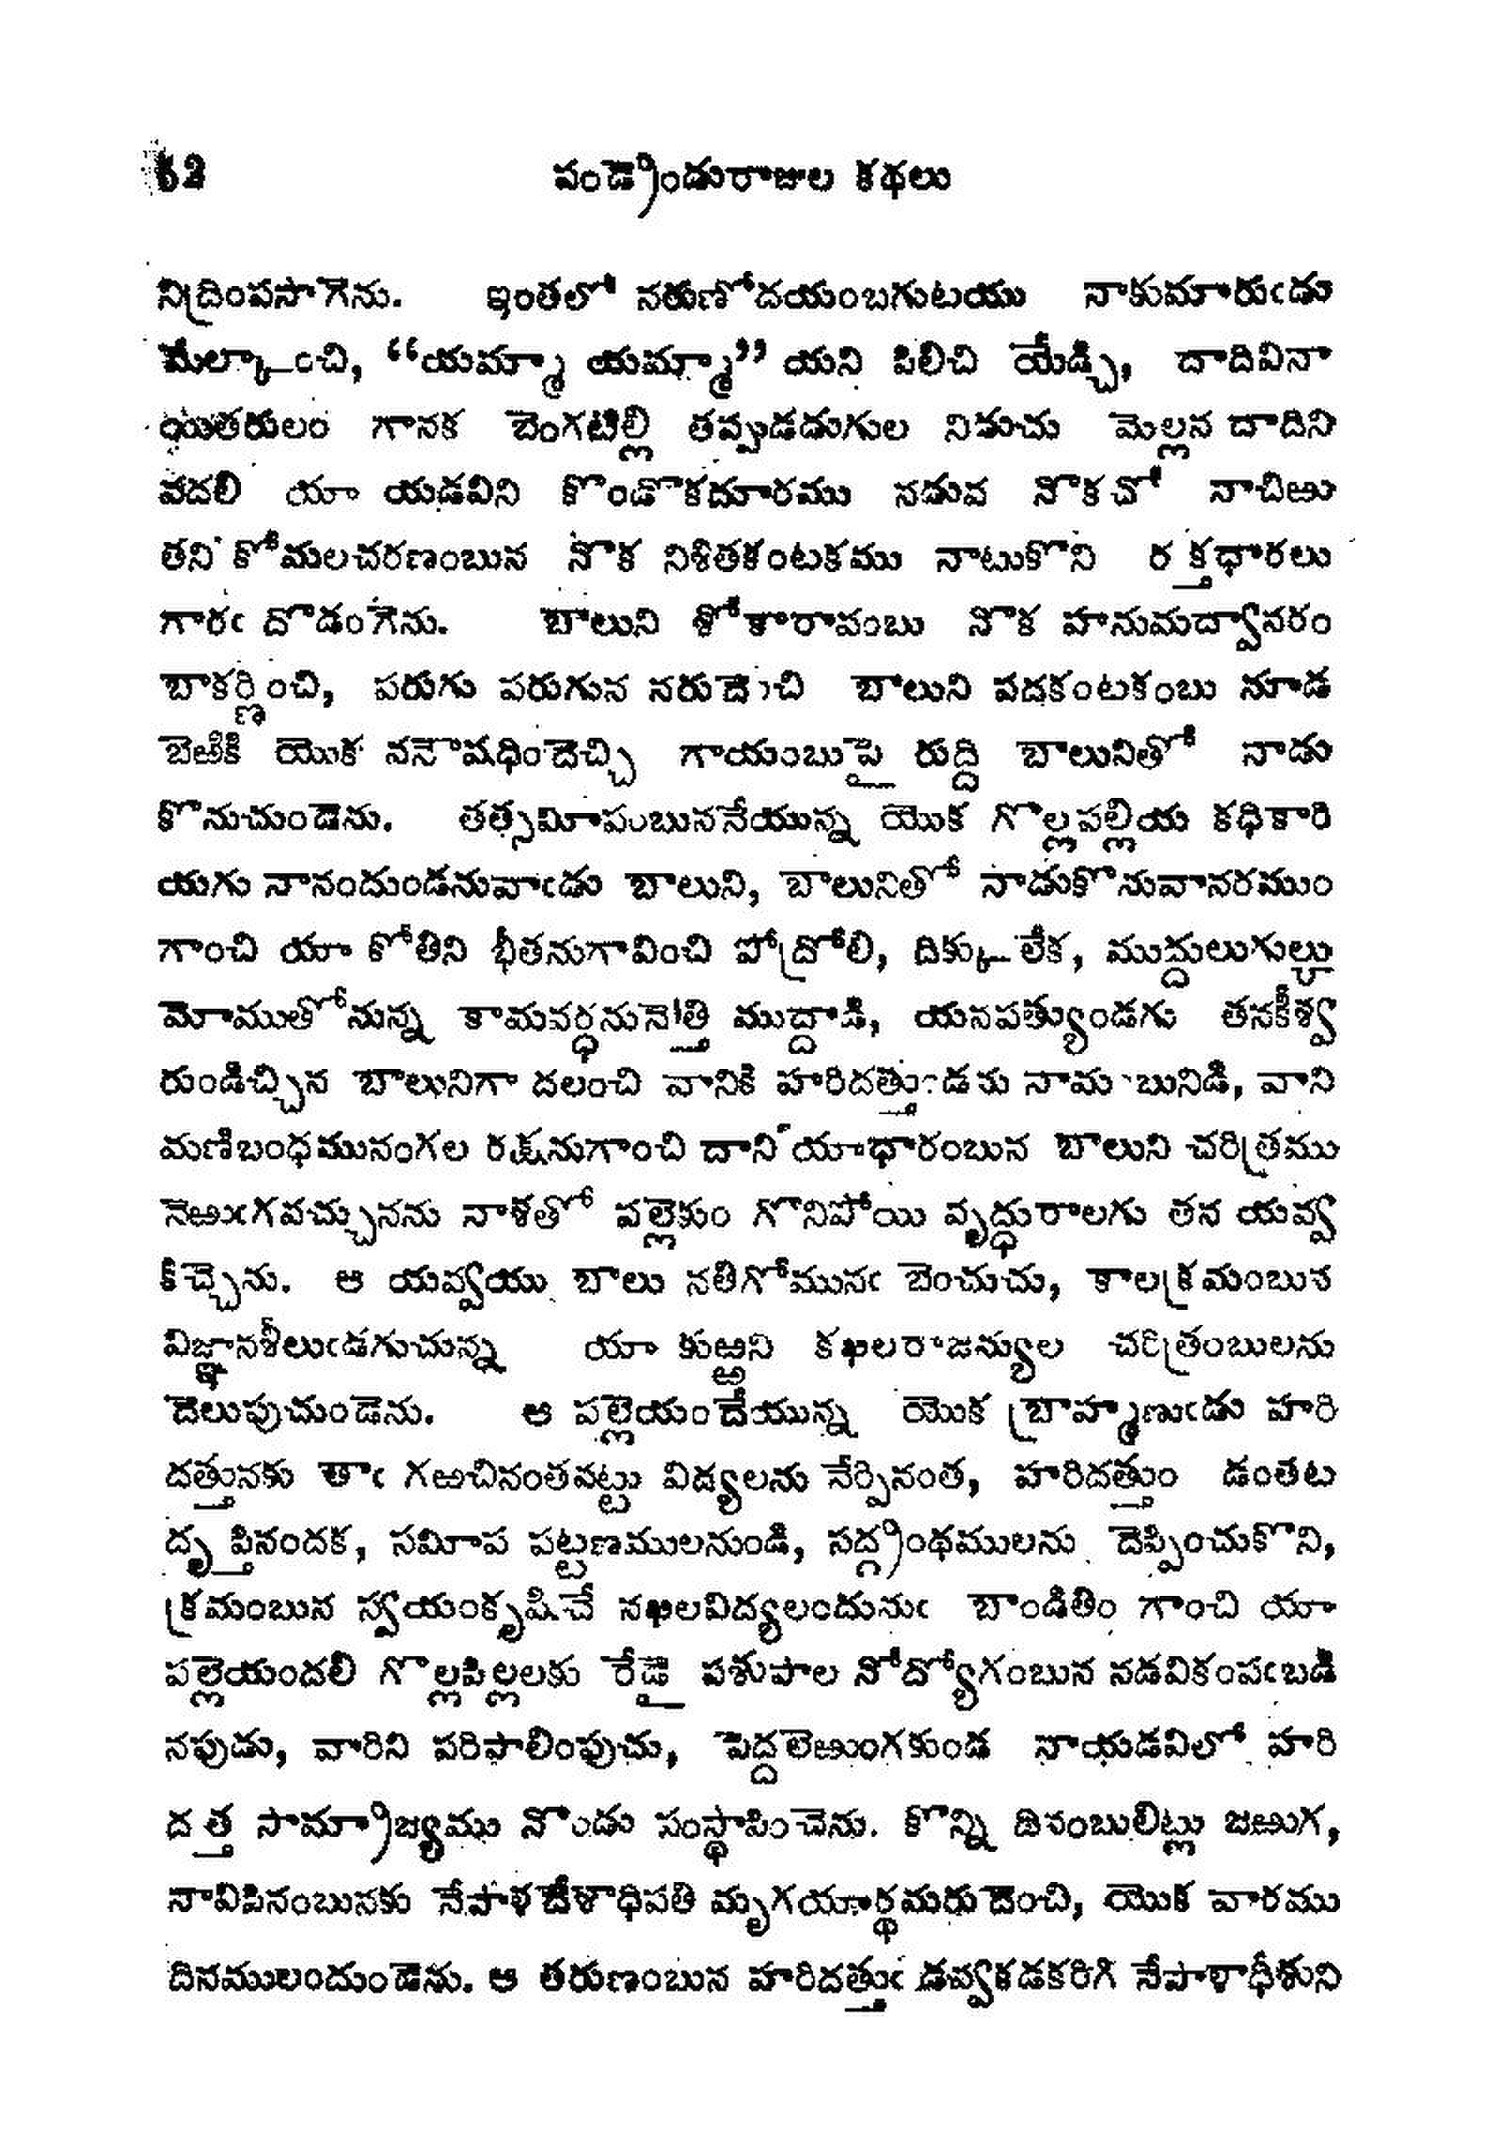నిద్రింపసాగెను. ఇంతలో నరుణోదయంబగుటయు నాకుమారుఁడు మేల్కాంచి, "యమ్మా యమ్మా" యని పిలిచి యేడ్చి, దాదివినా యితరులం గానక బెంగటిల్లి తప్పుడడుగుల నిడుచు మెల్లన దాదిని వదలి యా యడవిని కొండొకదూరము నడువ నొకచో నాచిఱుతని కోమలచరణంబున నొక నిశితకంటకము నాటుకొని రక్తధారలుగారఁ దొడంగెను. బాలుని శోకారావంబు నొక హనుమద్వానరం బాకర్ణించి, పరుగు పరుగున నరుదెంచి బాలుని పదకంటకంబు నూడ బెఱికి యొక ననౌషధిందెచ్చి గాయంబుపై రుద్ది బాలునితో నాడు కొనుచుండెను. తత్సమీపంబుననేయున్న యొక గొల్లపల్లియ కధికారి యగు నానందుండను వాఁడు బాలుని, బాలునితో నాడుకొనువానరముం గాంచి యా కోతిని భీతనుగావించి పోద్రోలి, దిక్కులేక , ముద్దులుగుల్కు మోముతోనున్న కామవర్ధను నెత్తి ముద్దాడి, యనపత్యుండగు తనకీశ్వరుండిచ్చిన బాలునిగా దలంచి వానికి హరిదత్తుండను నామంబునిడి, వాని మణిబంధమునంగల రక్షనుగాంచి దాని యాధారంబున బాలుని చరిత్రము నెఱుఁగ వచ్చునను నాశతో పల్లెకుం గొనిపోయి వృద్ధురాలగు తన యవ్వ కిచ్చెను. ఆ యవ్వయు బాలు నతిగోమునఁ బెంచుచు, కాలక్రమంబున విజ్ఞానశీలుఁడగుచున్న యా కుఱ్ఱని కఖిల రాజన్యుల చరిత్రంబులను దెలుపుచుండెను. ఆ పల్లెయందేయున్న యొక బ్రాహ్మణుఁడు హరిదత్తునకు తాఁ గఱచినంత పట్టు విద్యలను నేర్పినంత, హరిదత్తుం డంతట దృప్తినందక, సమీప పట్టణములనుండి, సద్గంథములను, దెప్పించుకొని, క్రమంబున స్వయంకృషిచే నఖిలవిద్యలందునుఁ బాండితిం గాంచి యా
పల్లెయందలి గొల్లపిల్లలకు రేడై పశుపాల నోద్యోగంబున నడవికంపఁబడినపుడు, వారిని పరిపాలింపుచు, "పెద్ద లెఱుంగకుండ నాయడవిలో హరిదత్త సామ్రాజ్యము నొండు సంస్థాపించెను. కొన్ని దినంబులిట్లు జఱుగ, నావిపినంబునకు నేపాళ దేశాధిపతి మృగయార్థ మరుదెంచి, యొక వారము దినములందుండెను. ఆ తరుణంబున హరిదత్తుఁ డవ్వకడకరిగి నేపాళాధీశుని